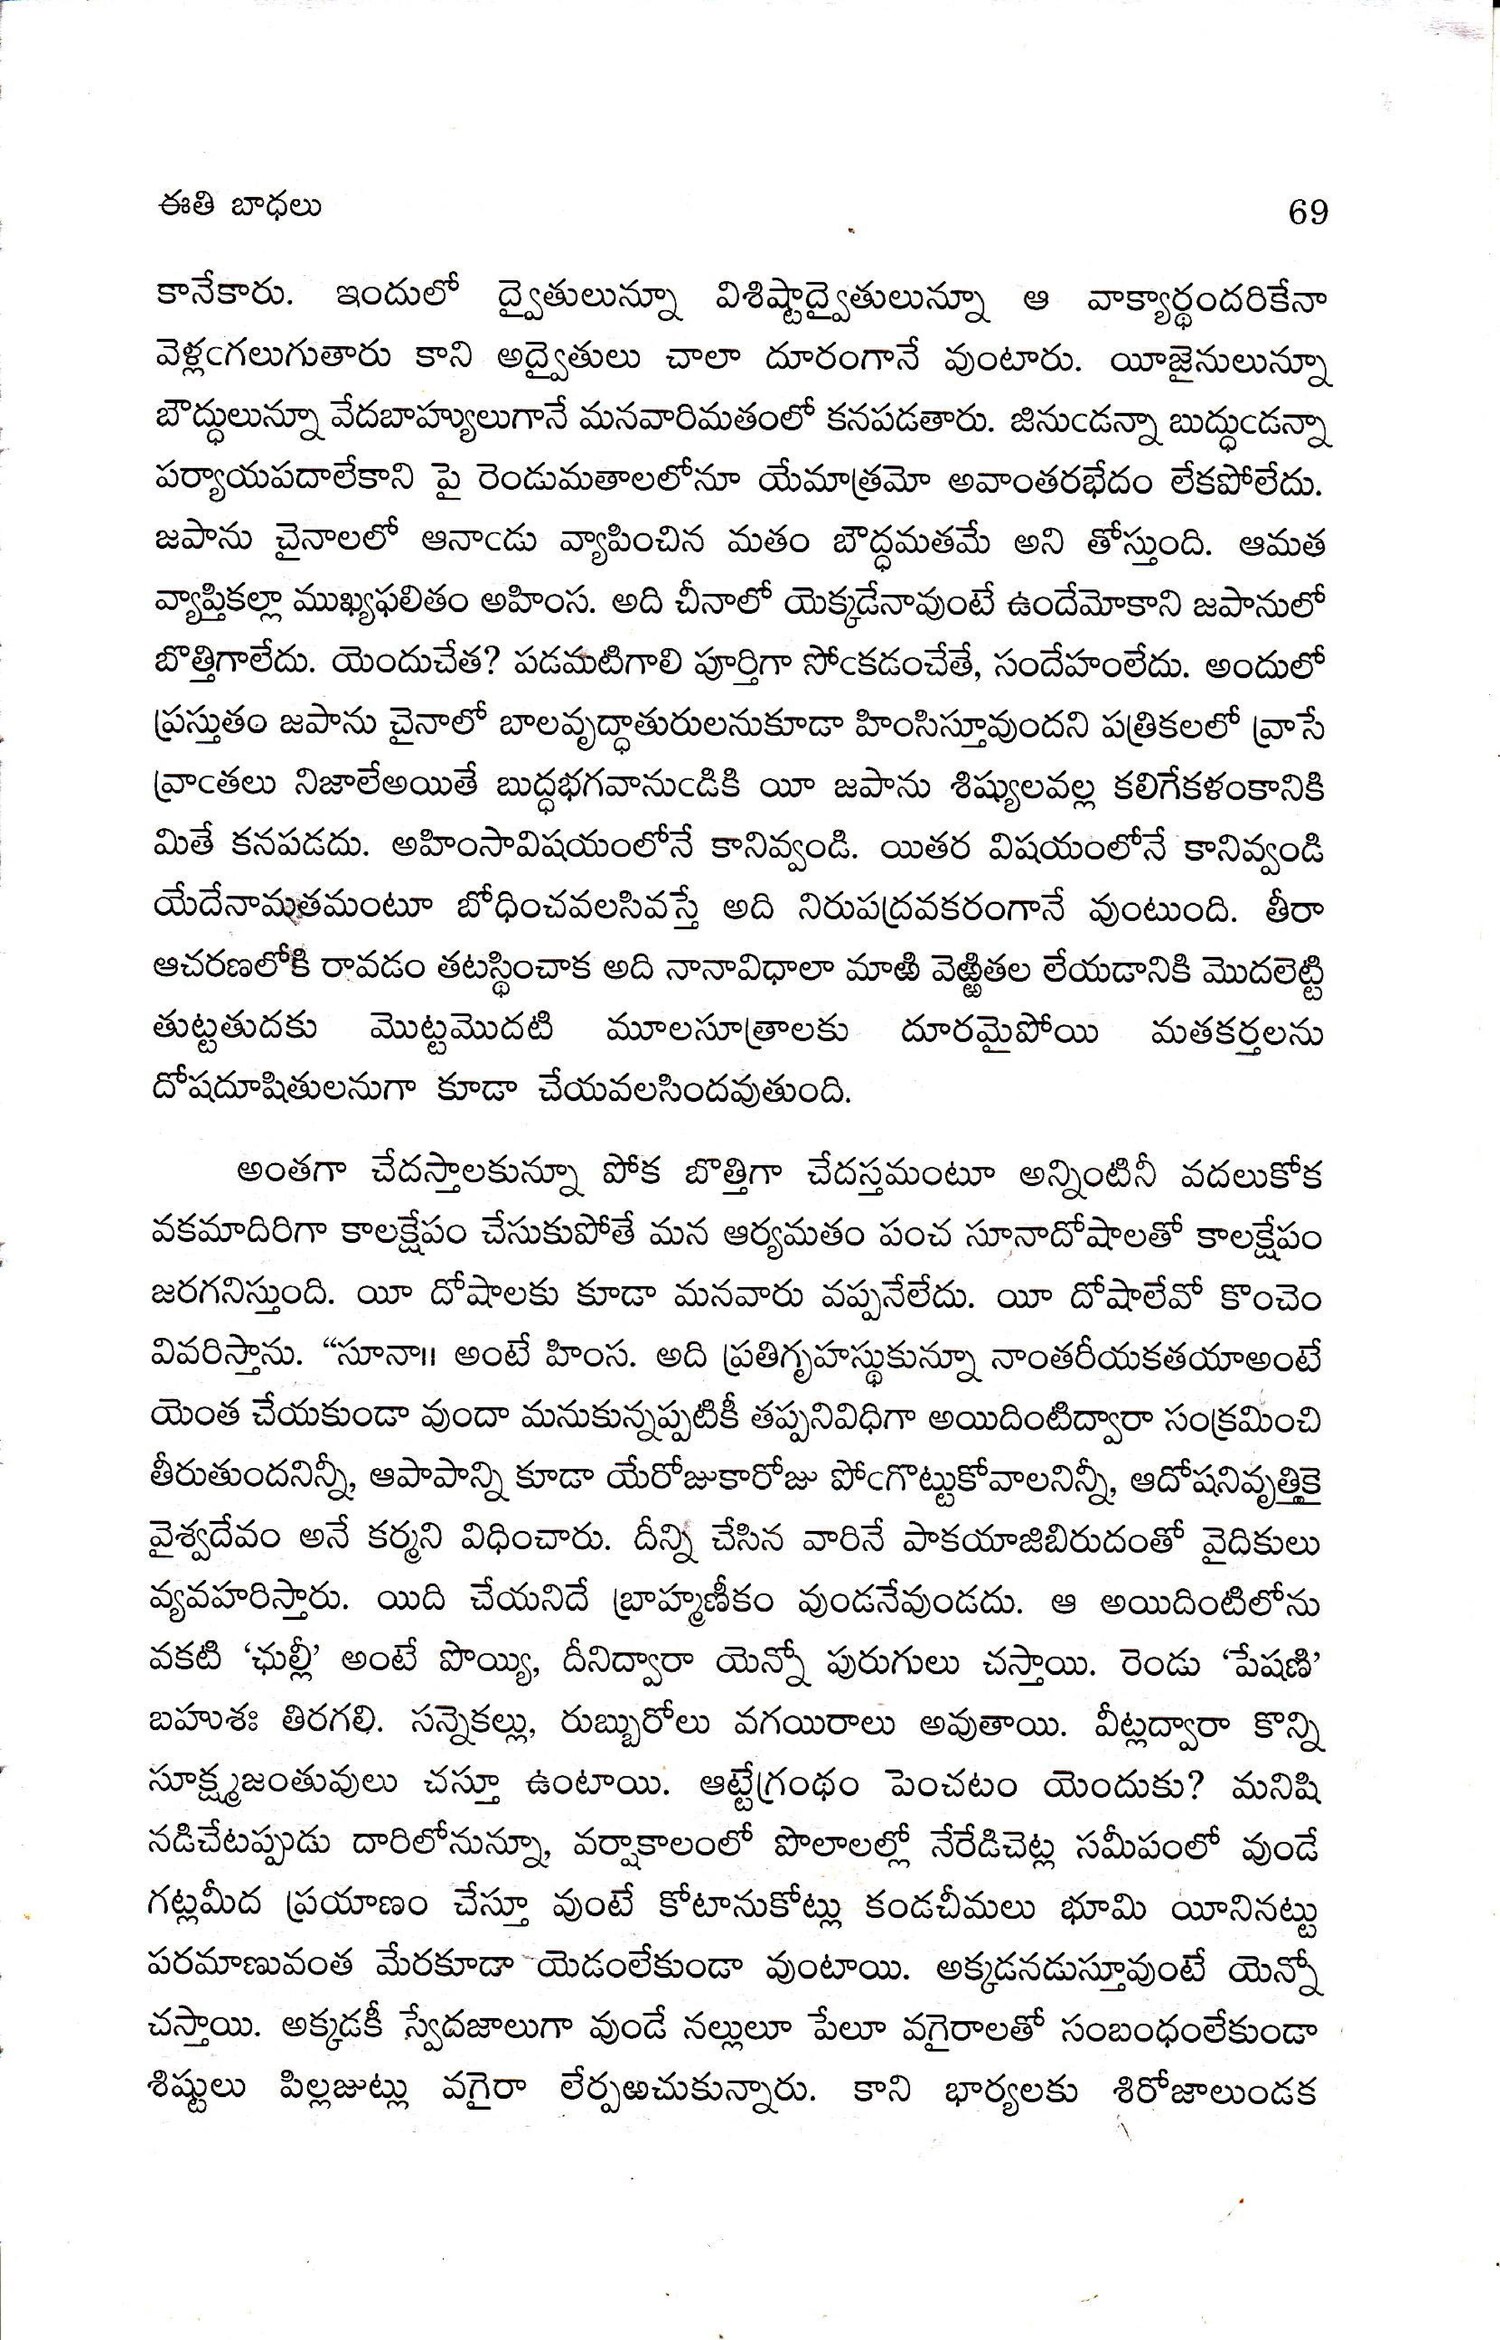కానేకారు. ఇందులో ద్వైతులున్నూ విశిష్టాద్వైతులున్నూ ఆ వాక్యార్థందరికేనా వెళ్లంగలుగుతారు కాని అద్వైతులు చాలా దూరంగానే వుంటారు. యీజైనులున్నూ బౌద్దులున్నూ వేదబాహ్యులుగానే మనవారిమతంలో కనపడతారు. జినుండన్నా బుద్దండన్నా పర్యాయపదాలేకాని పై రెండుమతాలలోనూ యేమాత్రమో అవాంతరభేదం లేకపోలేదు. జపాను చైనాలలో ఆనాండు వ్యాపించిన మతం బౌద్ధమతమే అని తోస్తుంది. ఆమత వ్యాప్తికల్లా ముఖ్యఫలితం అహింస. అది చీనాలో యొక్కడేనావుంటే ఉందేమోకాని జపానులో బొత్తిగాలేదు. యెందుచేత? పడమటిగాలి పూర్తిగా సోఁకడంచేతే, సందేహంలేదు. అందులో ప్రస్తుతం జపాను చైనాలో బాలవృద్ధాతురులనుకూడా హింసిస్తూవుందని పత్రికలలో వ్రాసే వ్రాఁతలు నిజాలేఅయితే బుద్ధభగవానుండికి యీ జపాను శిష్యులవల్ల కలిగేకళంకానికి మితే కనపడదు. అహింసావిషయంలోనే కానివ్వండి. యితర విషయంలోనే కానివ్వండి యేదేనామతమంటూ బోధించవలసివస్తే అది నిరుపద్రవకరంగానే వుంటుంది. తీరా ఆచరణలోకి రావడం తటస్థించాక అది నానావిధాలా మాడి వెట్టితల లేయడానికి మొదలెట్టి తుట్టతుదకు మొట్టమొదటి మూలసూత్రాలకు దూరమైపోయి మతకర్తలను దోషదూషితులనుగా కూడా చేయవలసిందవుతుంది.
అంతగా చేదస్తాలకున్నూ పోక బొత్తిగా చేదస్తమంటూ అన్నింటినీ వదలుకోక వకమాదిరిగా కాలక్షేపం చేసుకుపోతే మన ఆర్యమతం పంచ సూనాదోషాలతో కాలక్షేపం జరగనిస్తుంది. యీ దోషాలకు కూడా మనవారు వప్పనేలేదు. యీ దోషాలేవో కొంచెం వివరిస్తాను. “సూనా! అంటే హింస. అది ప్రతిగృహస్టుకున్నూ నాంతరీయకతయాఅంటే యెంత చేయకుండా వుందా మనుకున్నప్పటికీ తప్పనివిధిగా అయిదింటిద్వారా సంక్రమించి తీరుతుందనిన్నీ ఆపాపాన్ని కూడా యేరోజుకారోజు పోఁగొట్టుకోవాలనిన్నీ ఆదోషనివృత్తికై వైశ్వదేవం అనే కర్మని విధించారు. దీన్ని చేసిన వారినే పాకయాజిబిరుదంతో వైదికులు వ్యవహరిస్తారు. యిది చేయనిదే బ్రాహ్మణీకం వుండనేవుండదు. ఆ అయిదింటిలోను వకటి ఛుల్లీ అంటే పొయ్యి, దీనిద్వారా యెన్నో పురుగులు చస్తాయి. రెండు పేషణి’ బహుశః తిరగలి. సన్నెకల్లు, రుబ్బురోలు వగయిరాలు అవుతాయి. వీట్లద్వారా కొన్ని సూక్ష్మజంతువులు చస్తూ ఉంటాయి. ఆట్టేగ్రంథం పెంచటం యెందుకు? మనిషి నడిచేటప్పుడు దారిలోనున్నూ వర్షాకాలంలో పొలాలల్లో నేరేడిచెట్ల సమీపంలో వుండే గట్లమీద ప్రయాణం చేస్తూ వుంటే కోటానుకోట్లు కండచీమలు భూమి యీనినట్టు పరమాణువంత మేరకూడా యెడంలేకుండా వుంటాయి. అక్కడనడుస్తూవుంటే యెన్నో చస్తాయి. అక్కడకీ స్వేదజాలుగా వుండే నల్లులూ పేలూ వగైరాలతో సంబంధంలేకుండా శిషులు పిల్లజుట్లు వగైరా లేర్పఱచుకున్నారు. కాని భార్యలకు శిరోజాలుండక
\